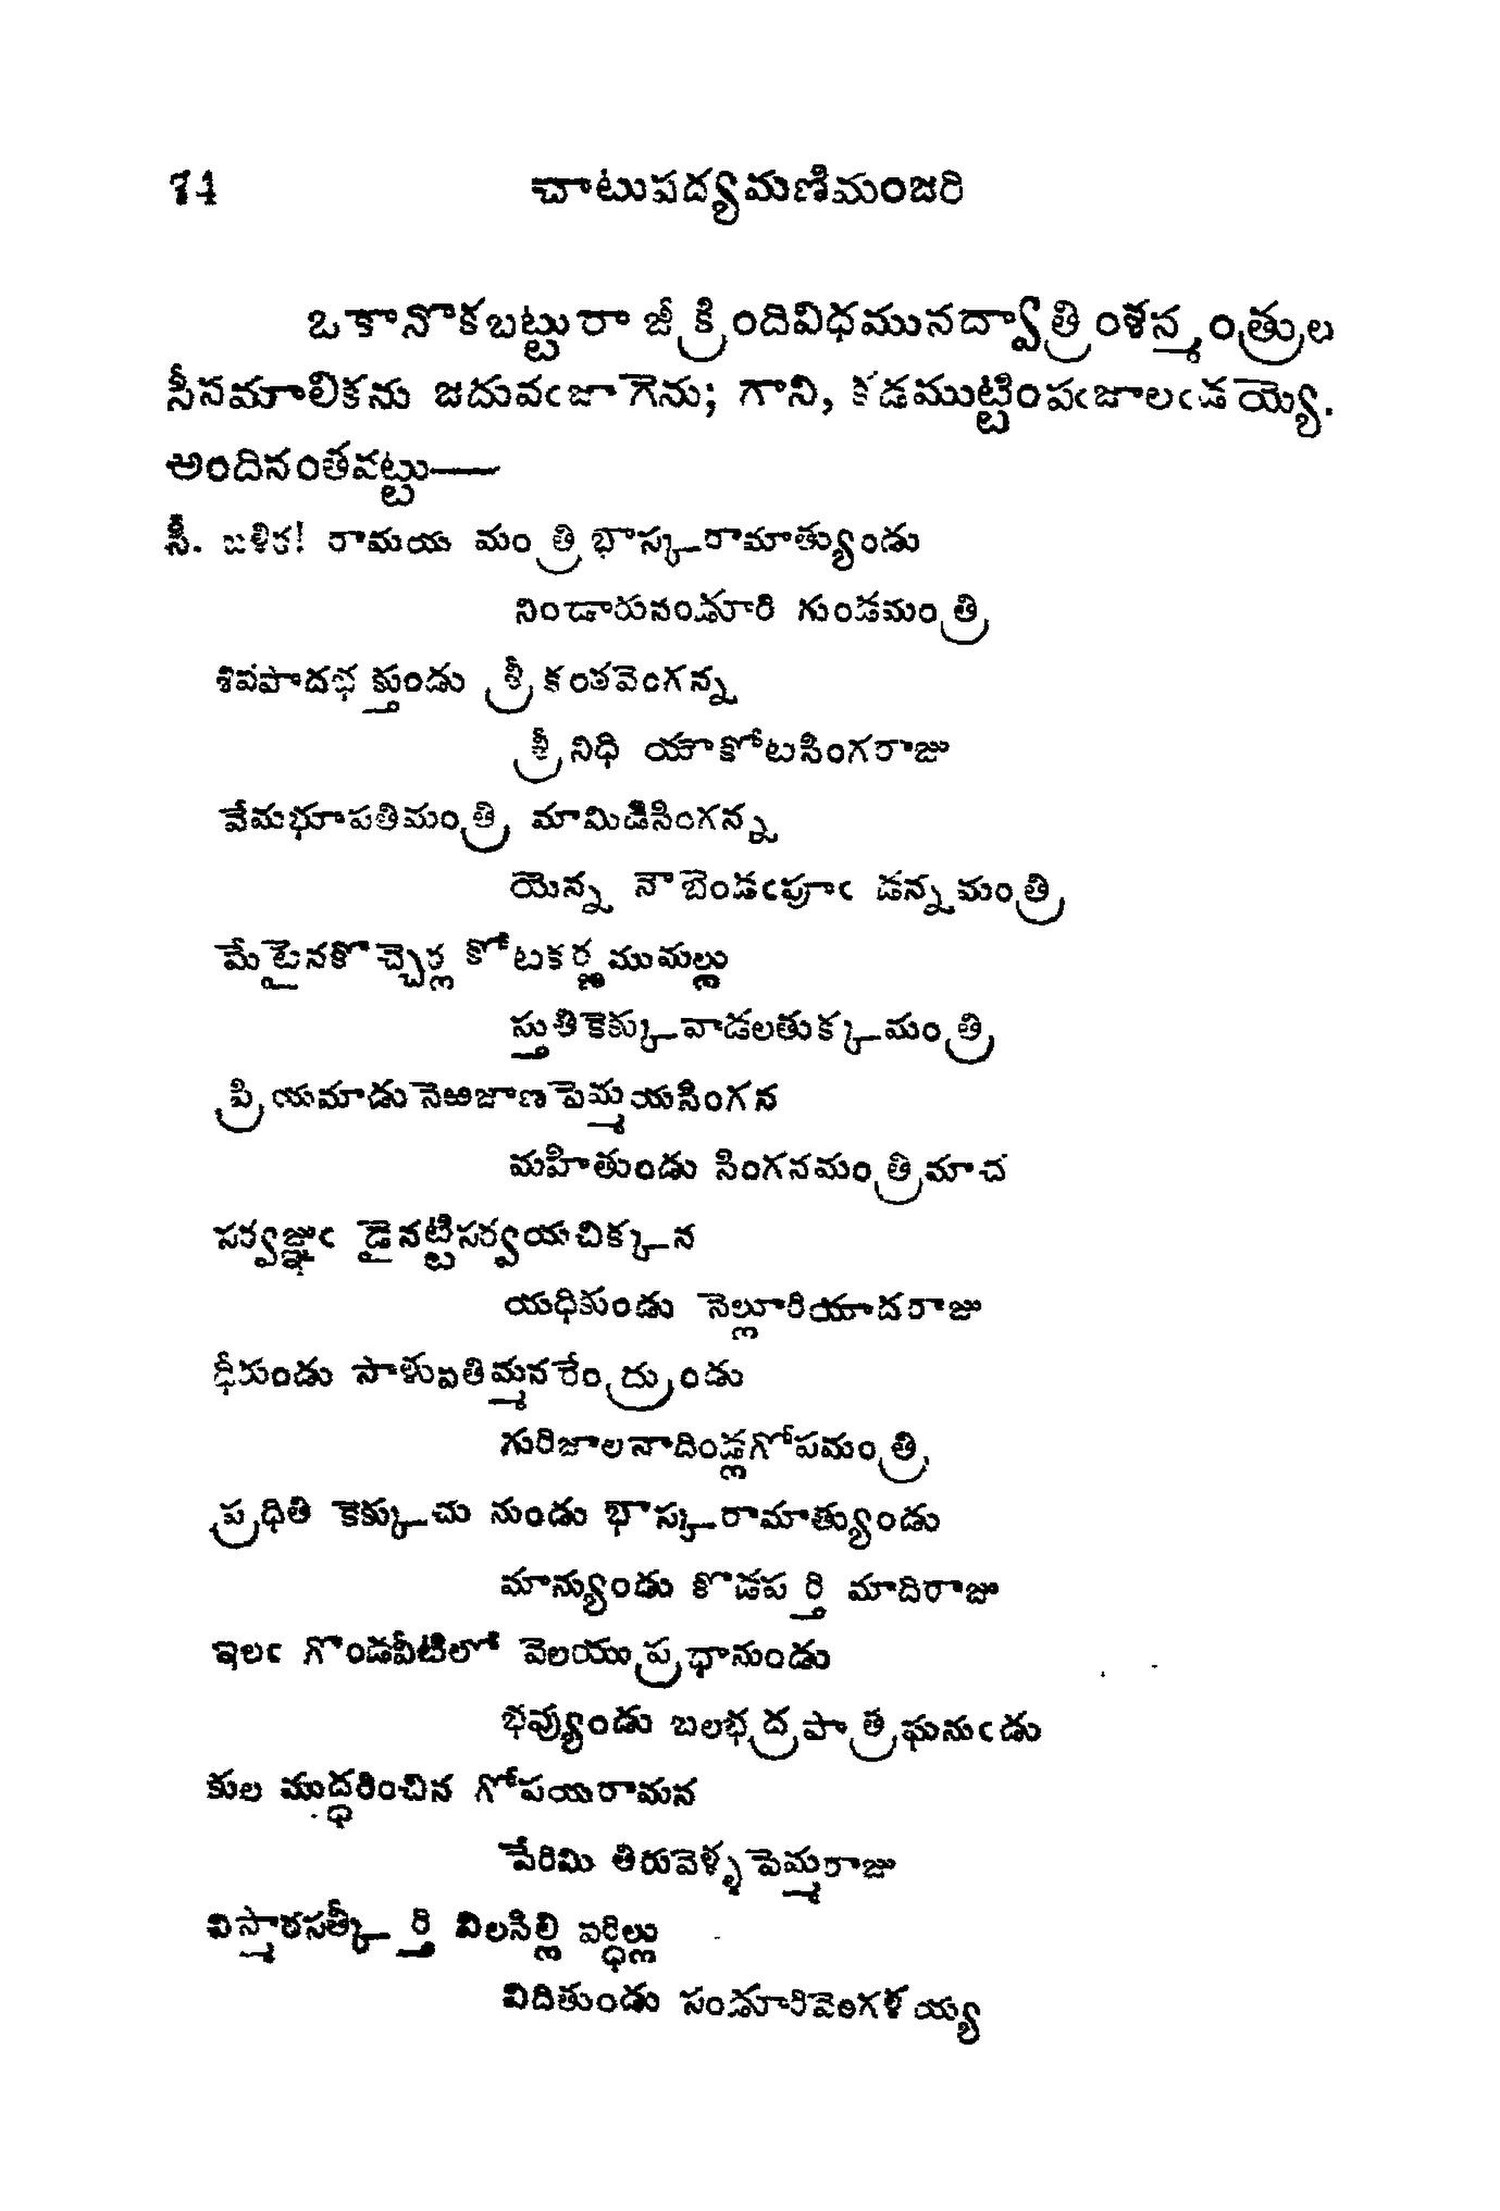ఒకానొకబట్టురా జీక్రిందివిధమున ద్వాత్రింశన్మంత్రుల సీసమాలికను జదువఁజాగెను; గాని, కడముట్టింపఁజాలఁడయ్యె. అందినంతవట్టు—
సీ. బళిర! రామయ మంత్రిభాస్కరామాత్యుండు
 నిండారు నండూరి గుండమంత్రి
 శివపాదభక్తుండు శ్రీకంఠవెంగన్న
 శ్రీనిధి యోకోటసింగరాజు
 వేమభూపతిమంత్రి మామిడిసింగన్న
 యెన్న నౌ బెండపూఁ డన్నమంత్రి
 మేటైన కొచ్చెర్లకోట కర్ణము మల్లు
 స్తుతి కెక్కువా డలతుక్కమంత్రి
 ప్రియ మాడు నెఱజాణ పెమ్మయసింగన
 మహితుండు సింగనమంత్రి మాచ
 సర్వజ్ఞుఁ డైనట్టి సర్వయ చిక్కన
 యధికుండు నెల్లూరి యాదిరాజు
 ధీరుండు సాళువ తిమ్మనరేంద్రుండు
 గురిజాల నాదిండ్ల గోపమంత్రి
 ప్రధితి కెక్కుచు నుండు భాస్కరామాత్యుండు
 మాన్యుండు కొడపర్తి మాదిరాజు
 ఇలఁ గొండవీటిలో వెలయు ప్రధానుండు
 భవ్యుండు బలభద్రపాత్రఘనుఁడు
 కుల ముద్ధరించిన గోపయరామన
 పేరిమి తిరువెళ్ళ పెమ్మరాజు
 విస్మారసత్కీర్తి విలసిల్లు వర్ధిల్లు
 విదితుండు సండూరి వెంగళయ్య